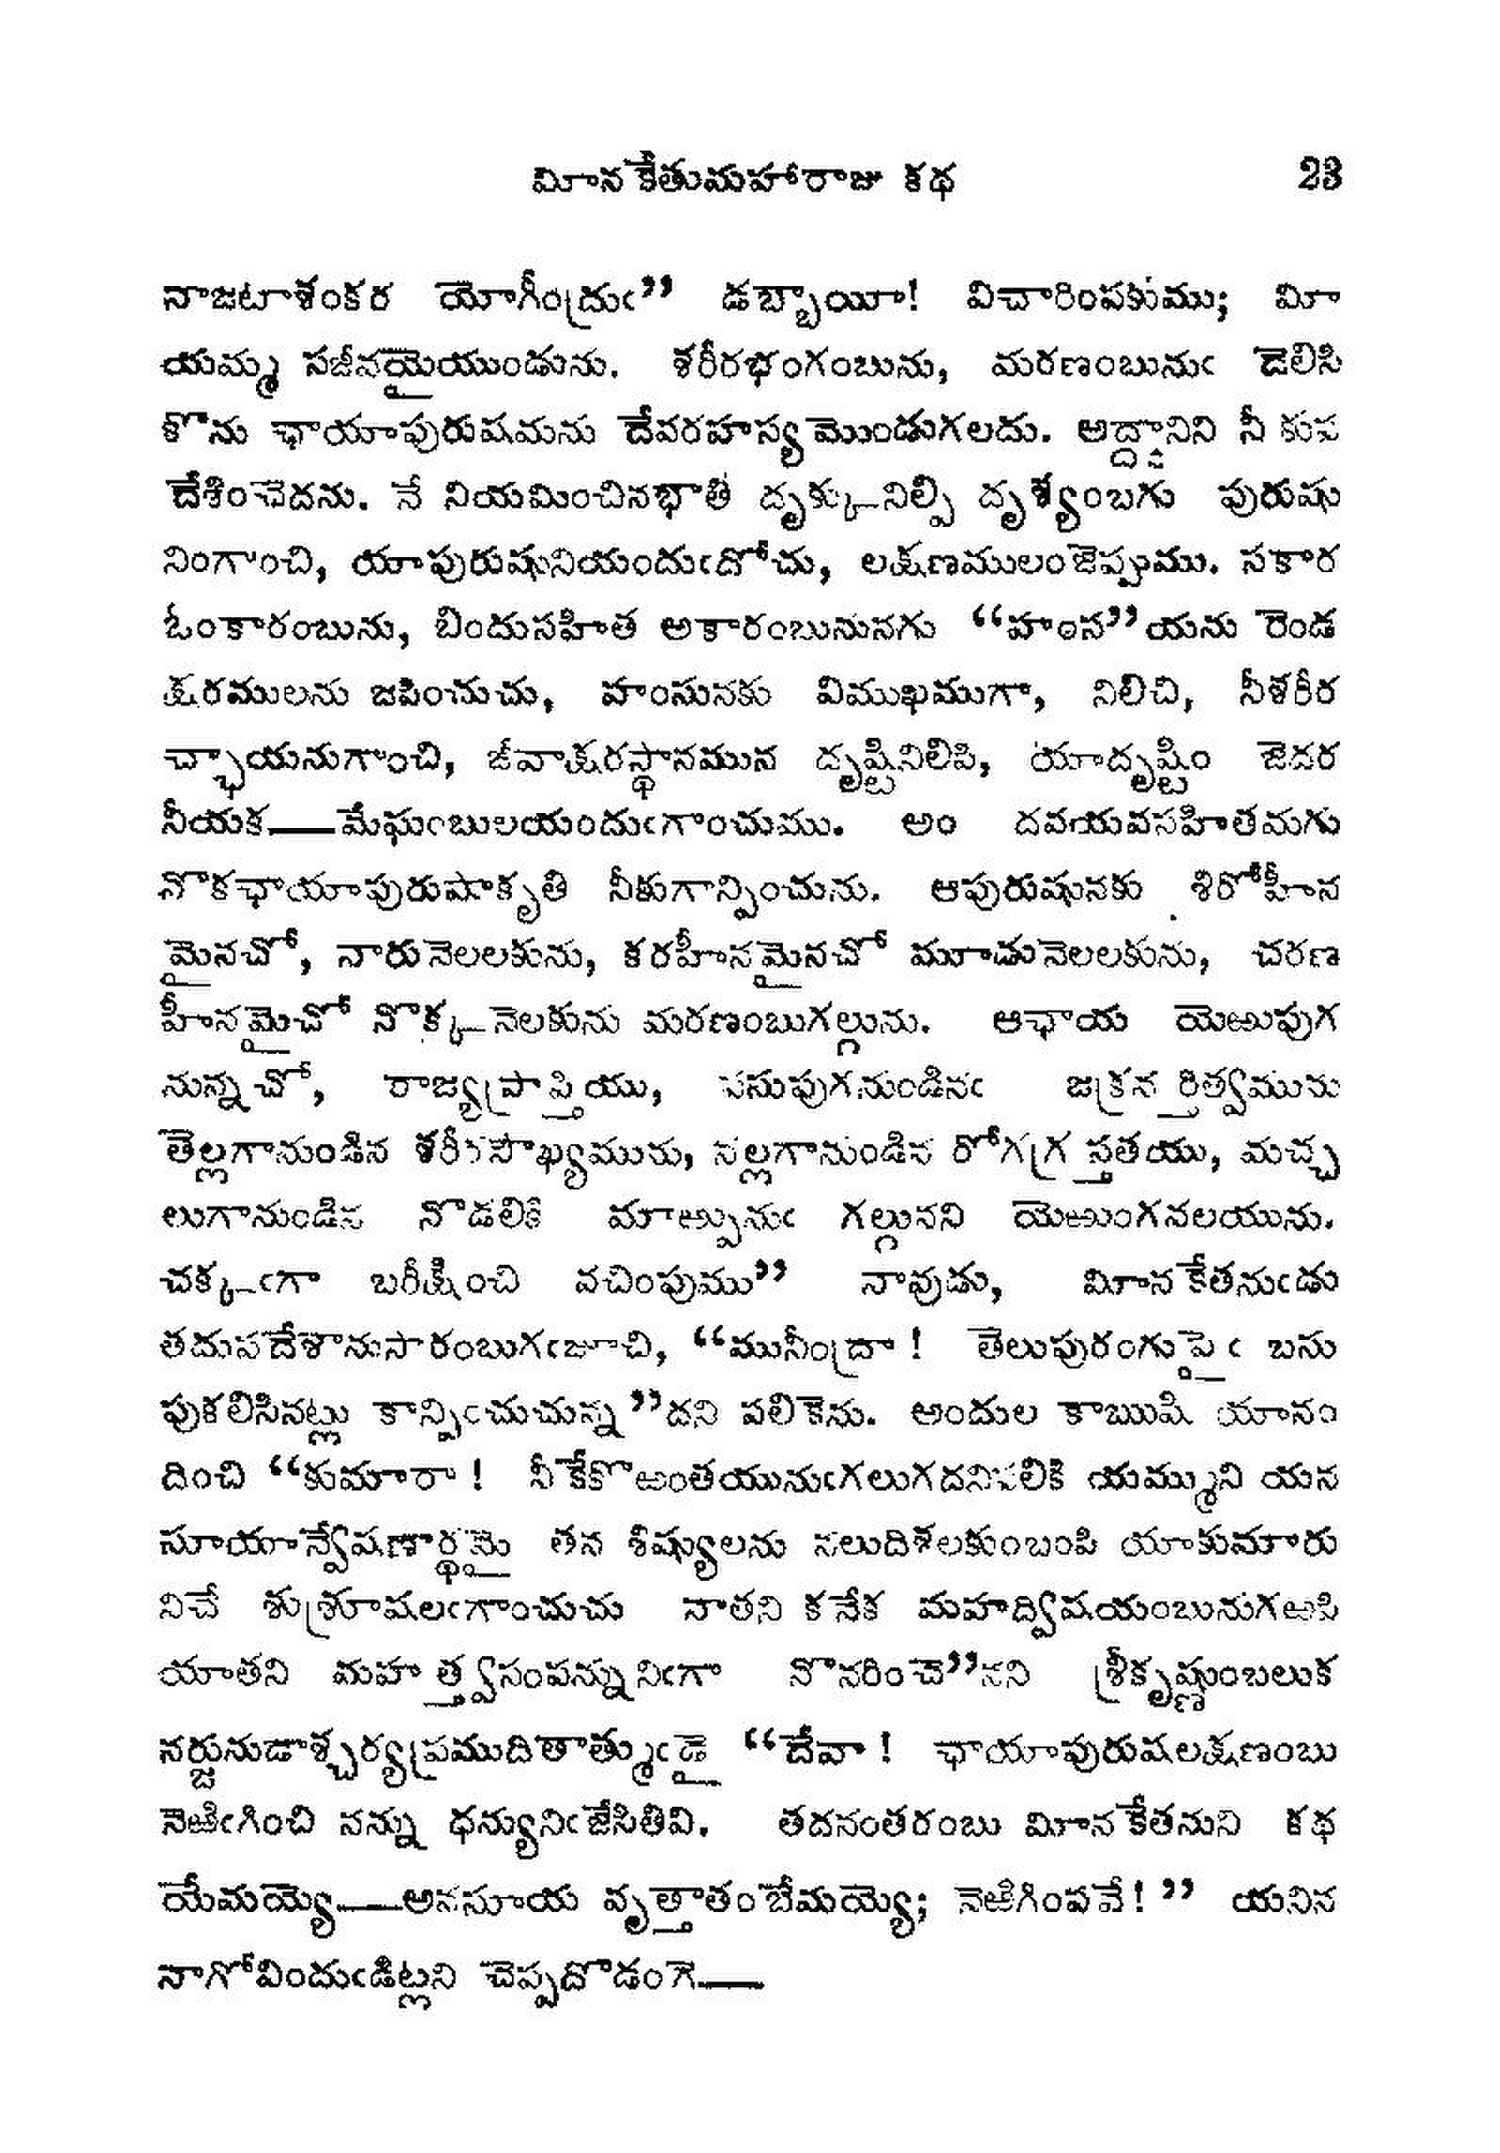నాజటాశంకర యోగీంద్రుఁ" డబ్బాయీ! విచారింపకుము; మీయమ్మ సజీవయైయుండును. శరీరభంగంబును, మరణంబునుఁ దెలిసికొను ఛాయాపురుషమను దేవరహస్య మొండుగలదు. అద్దానిని నీ కుపదేశించెదను. నే నియమించిన భాతి దృక్కునిల్ఫీ దృశ్యంబగు పురుషునింగాంచి, యాపురుషునియందుఁదోచు, లక్షణములం జెప్పుము. సకార ఓంకారంబును, బిందుసహీత అకారంబునునగు “హంస" యను రెండక్షరములను జపించుచు, హంసునకు విముఖముగా, నిలిచి, నీశరీర
చ్ఛాయనుగాంచి, జీవాక్షరస్థానమున దృష్టి నిలిపి, యాదృష్టిం జెదర నీయక—— మేఘంబులయందుఁగాంచుము. అందవయవసహితమగు నొక ఛాయాపురుషాకృతి నీకుగాన్పించును. ఆపురుషునకు శిరోహీనమైనచో, నారు నెలలకును, కరహీనమైనచో మూడు నెలలకును, చరణహీనమైచో నొక్క నెలకును మరణంబుగల్గును. ఆఛాయ యెఱుపుగ నున్నచో, రాజ్యప్రాప్తియు, పసుపుగ నుండినఁ జక్రవర్తిత్వమును తెల్లగా నుండిన శరీర సౌఖ్యమును, నల్లగానుండిన రోగగ్రస్తతయు, మచ్చలుగానుండిన నొడలికి మాఱ్పునుఁ గల్గునని యెఱుంగవలయును. చక్కఁగా బరీక్షించి వచింపుము" నావుడు, మీనకేతనుఁడు తదుపదేశానుసారంబుగఁజూచి, "మునీంద్రా ! తెలుపురంగు పైఁ బసుఫుకలిసినట్లు కాన్పించుచున్న ”దని పలికెను. అందుల కాఋషి యానందించి “కుమారా ! నీకే కోఱంతయునుఁగలుగదనిపలికి యమ్ముని యనసూయన్వేషణార్థమై తన శిష్యులను సలుదిశలకుం బంపి యాకునూరునిచే శుశ్రూషలఁగాంచుచు నాతని కనేక మహద్విషయంబునుగఱపి యాతని మహత్త్వసంపన్నునిఁగా నొనరించె"నని శ్రీకృష్ణుంబలుక నర్జునుడాశ్చర్యప్రముదితాత్ముఁడై
"దేవా! ఛాయాపురుష లక్షణంబు నెఱిఁగించి నన్ను ధన్యునిఁ జేసితివి. తదనంతరంబు మీనకేతనుని కథ యేమయ్యె——అనసూయ వృత్తాతం బేమయ్యె; నెఱిగింపవే! " యనిన నాగోవిందుఁడిట్లని చెప్పదొడంగె——